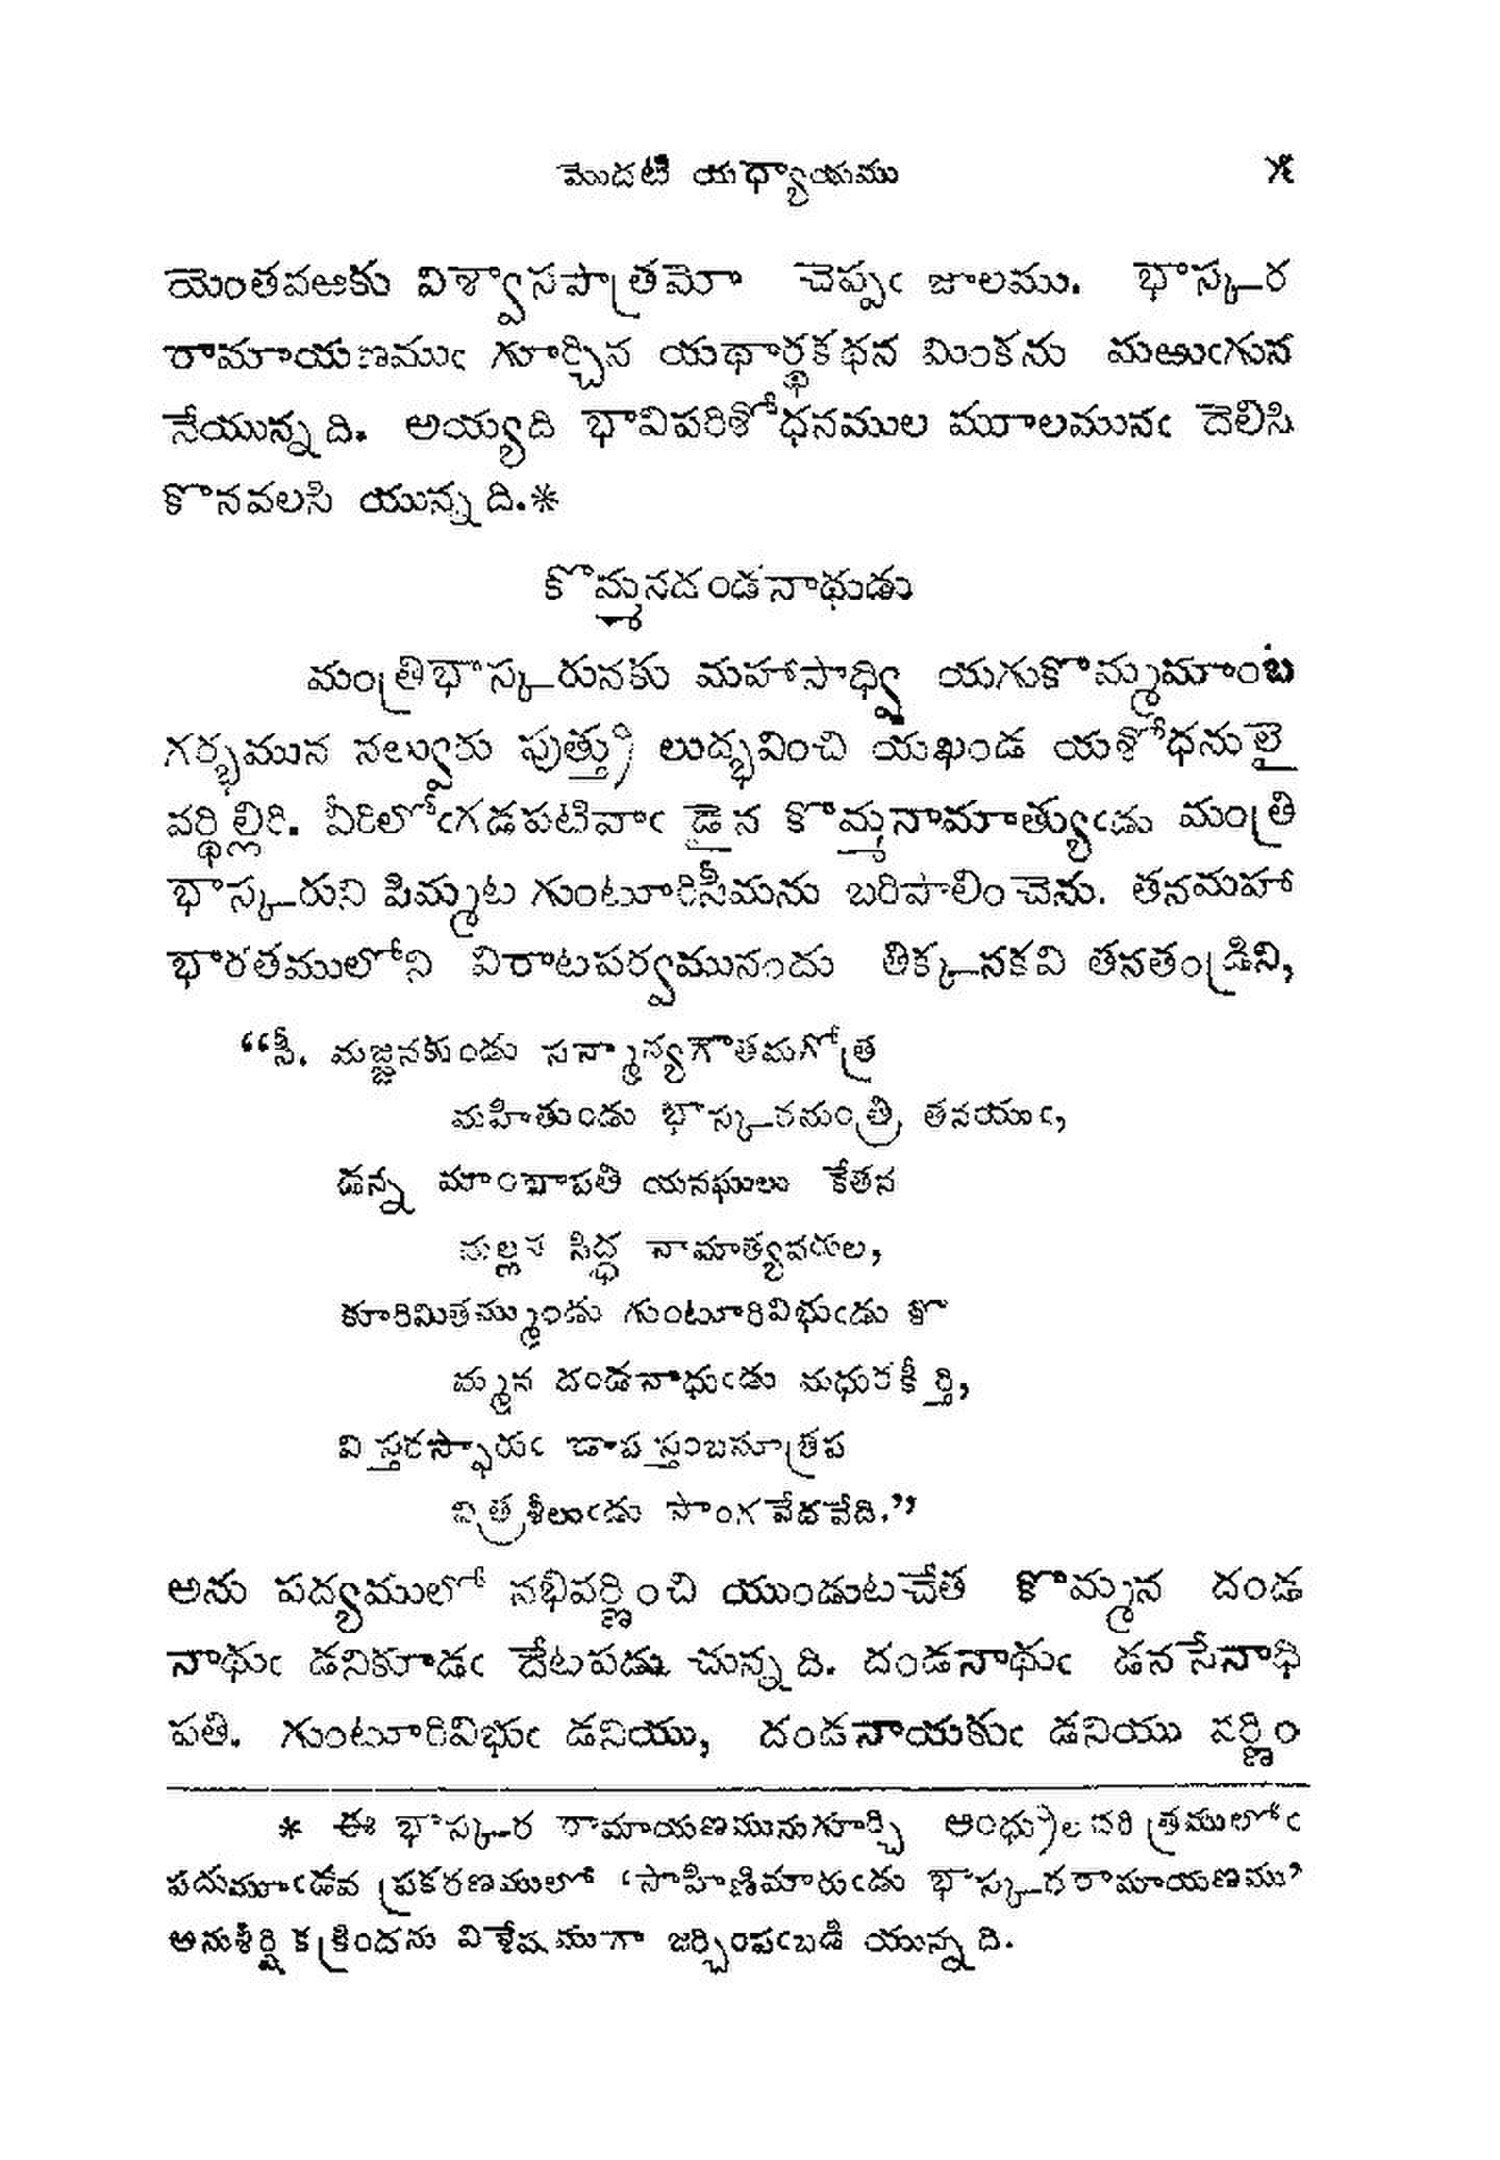యెంతవఱకు విశ్వాసపాత్రమో చెప్పఁ జాలము. భాస్కర రామాయణముఁ గూర్చిన యథార్థకథన మింకను మఱుఁగుననేయున్నది. అయ్యది భావిపరిశోధనముల మూలమునఁ దెలిసికొనవలసి యున్నది.

కొమ్మనదండనాథుడు

మంత్రిభాస్కరునకు మహాసాధ్వి యగుకొమ్మమాంబ గర్భమున నల్వురు పుత్త్రు లుద్భవించి యఖండ యశోధనులై వర్థిల్లిరి. వీరిలోఁగడపటివాఁ డైన కొమ్మనామాత్యుఁడు మంత్రి భాస్కరుని పిమ్మట గుంటూరిసీమను బరిపాలించెను. తనమహా భారతములోని విరాటపర్వమునందు తిక్కనకవి తనతండ్రిని,

"సీ. మజ్జనకుండు సన్మాన్యగౌతమగోత్ర
 మహితుండు భాస్కరమంత్రి తనయుఁ
 డన్న మాంబాపతి యనఘులు కేతన
 మల్లన సిద్ధ నామాత్యవరుల,
 కూరిమితమ్ముండు గుంటూరివిభుఁడు కొ
 మ్మన దండనాధుఁడు మధురకీర్తి,
 విస్తరస్ఫారుఁ డాపస్తంబసూత్రప
 విత్రశీలుఁడు సాంగవేదవేది."
అను పద్యములో నభివర్ణించి యుండుటచేత కొమ్మన దండనాథుఁ డనికూడఁ దేటపడు చున్నది. దండనాథుఁ డనసేనాధిపతి. గుంటూరివిభుఁ డనియు, దండనాయకుఁ డనియు వర్ణిం